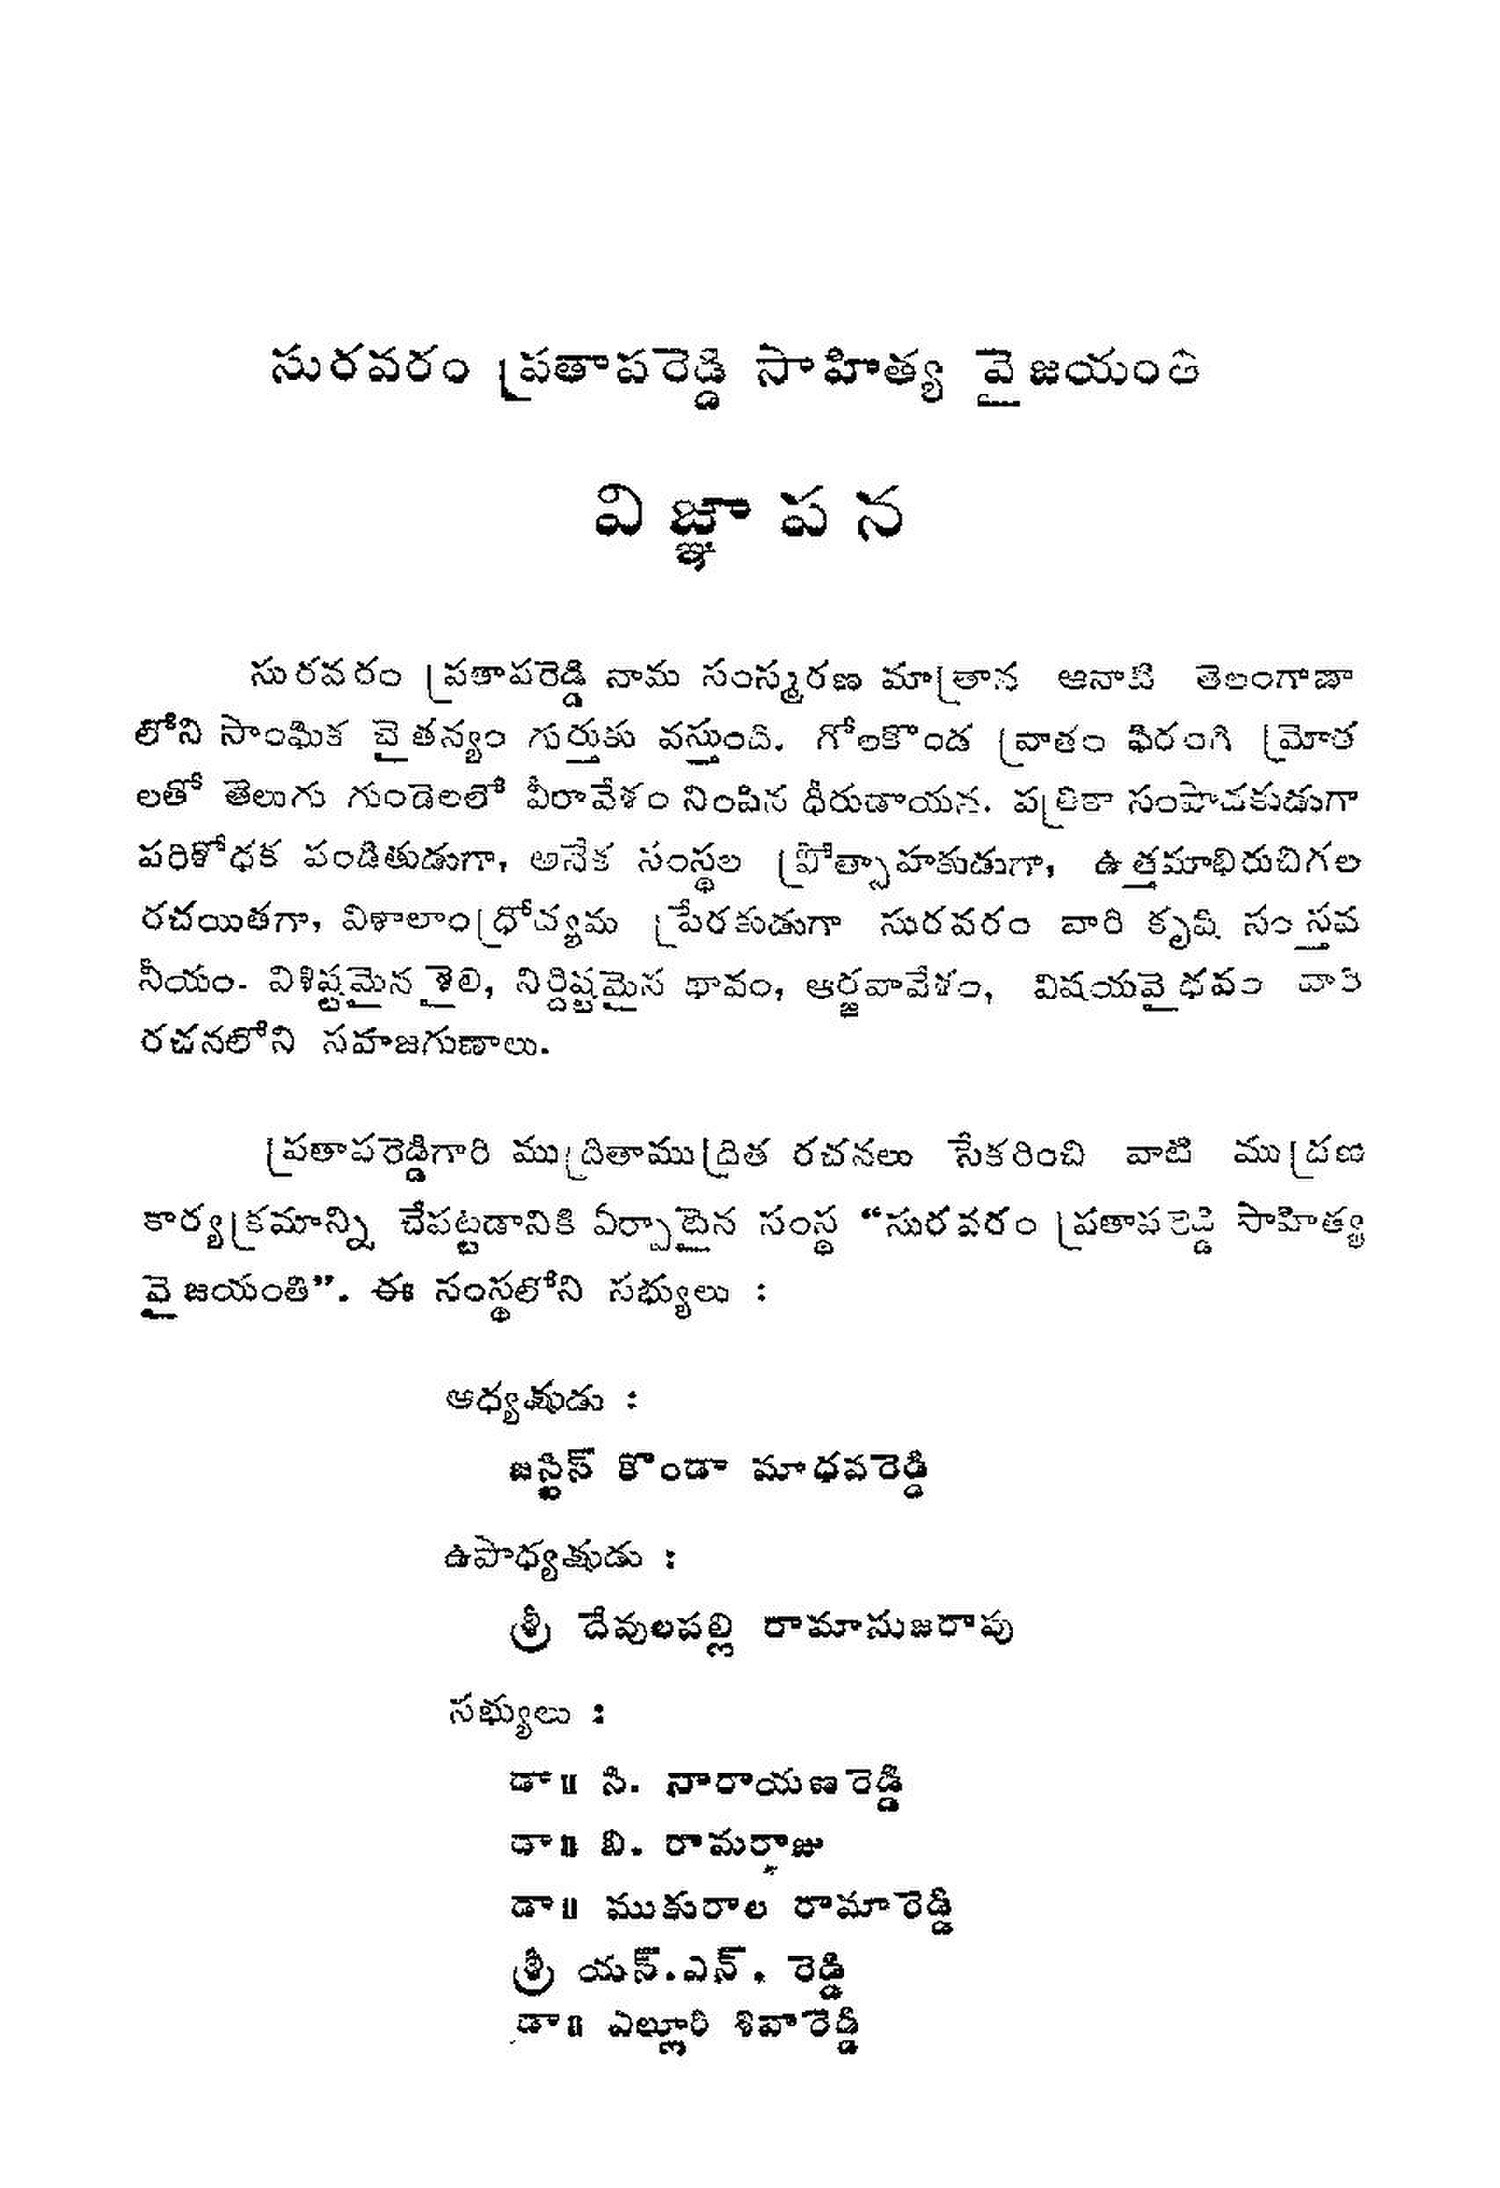సురవరం ప్రతాపరెడ్డి సాహిత్య వైజయంతి

విజ్ఞాపన

సురవరం ప్రతాపరెడ్డి నామ సంస్మరణ మాత్రాన ఆనాటి తెలంగాణాలోని సాంఘిక చైతన్యం గుర్తుకు వస్తుంది. గోలకొండ వ్రాతం ఫిరంగి మ్రోతలతో తెలుగు గుండెలలో వీరావేశం నింపిన ధీరుడాయన. పత్రికా సంపాదకుడుగా
పరిశోధక పండితుడుగా, అనేక సంస్థల ప్రోత్సాహకుడుగా, ఉత్తమాభిరుచిగల రచయితగా, విశాలాంధ్రోద్యమ ప్రేరకుడుగా సురవరం వారి కృషి సంస్తవనీయం. విశిష్టమైన శైలి, నిర్దిష్టమైన భావం, ఆర్జవావేశం, విషయవైభవం వారి రచనలోని సహజగుణాలు.

ప్రతాపరెడ్డిగారి ముద్రితాముద్రిత రచనలు సేకరించి వాటి ముద్రణ కార్యక్రమాన్ని చేపట్టడానికి ఏర్పాటైన సంస్థ “సురవరం ప్రతాపరెడ్డి సాహిత్య వైజయంతి". ఈ సంస్థలోని సభ్యులు :